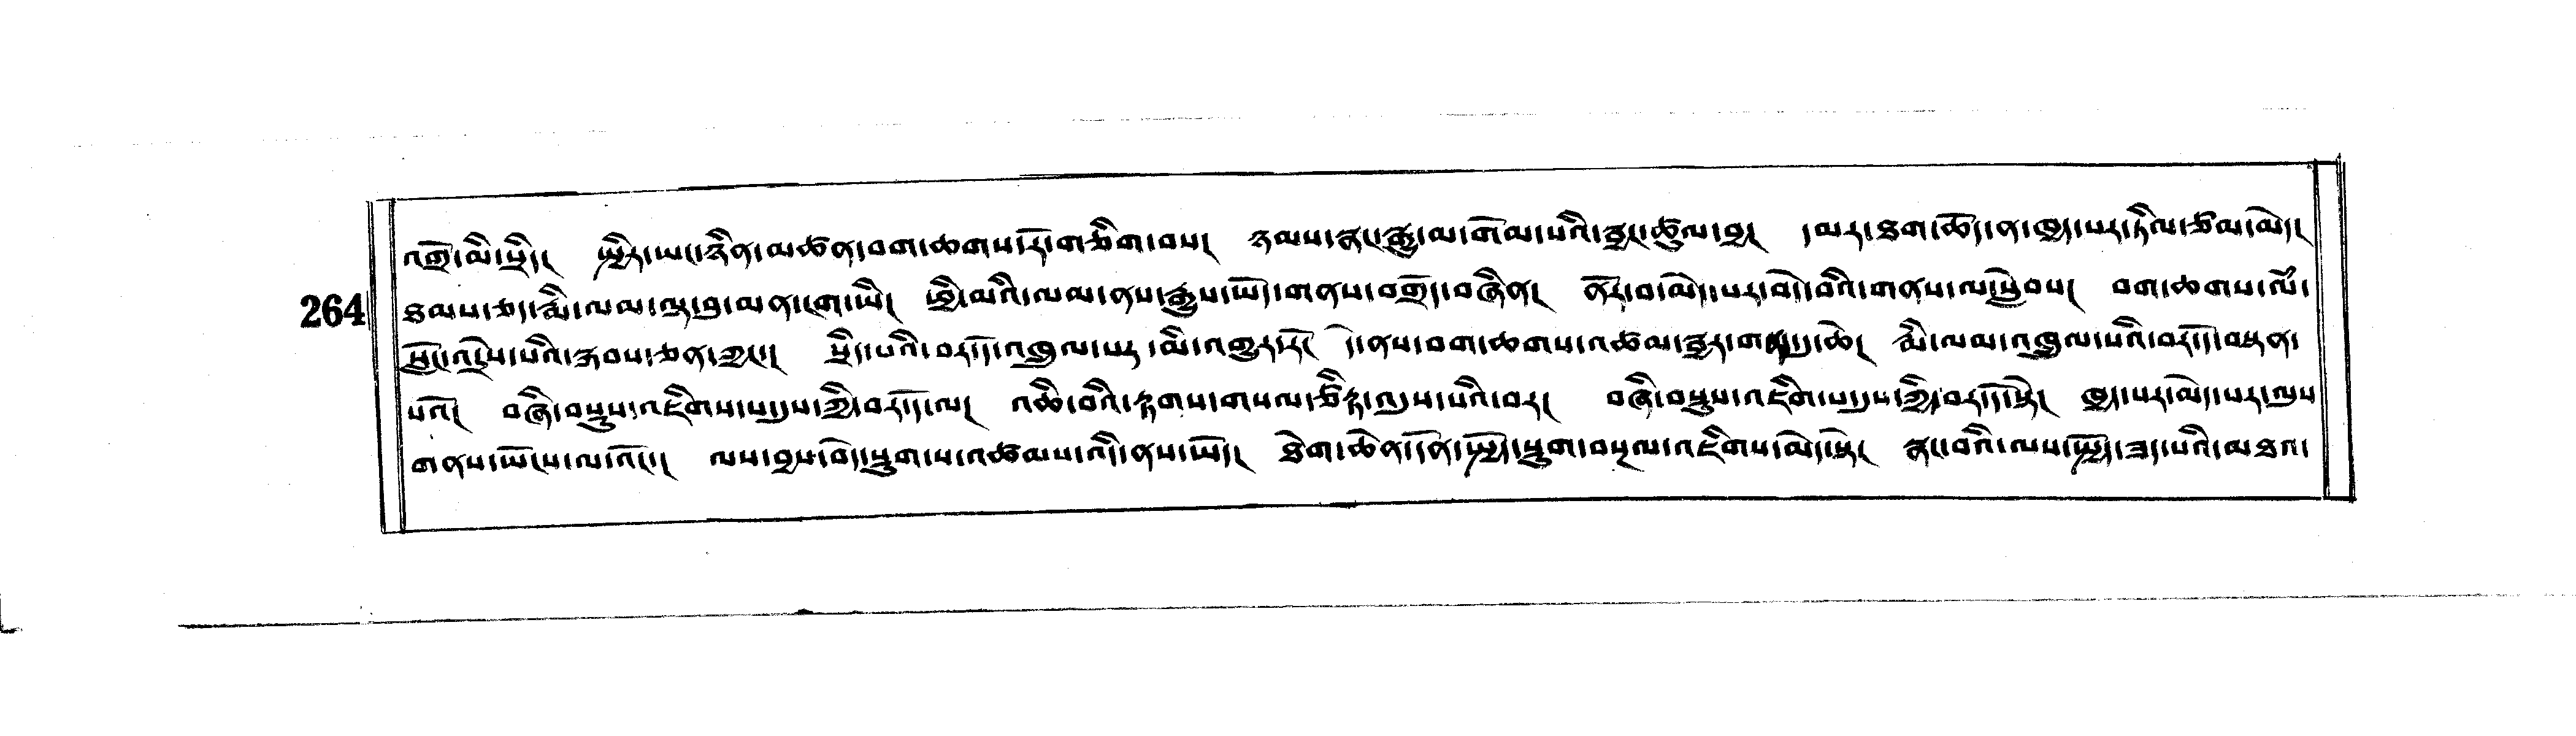འགྲོ་མི་སྲིད། སྤྱིར་ཡང་ཉིན་མཚན་བག་ཆགས་རོ་གཅིག་པས། ཉམས་སྣང་སྒྱུ་མ་གོམས་པའི་སྦྱང་ཚུལ་བྱ། དམར་ཐག་ཆོད་ན་ཁྱད་པར་ཏིལ་ཙམ་མེད། 
ཐམས་ཅད་རྨི་ལམ་ལྟ་བུ་མན་ངག་ཡི། ཕྱི་མའི་ལམ་ནས་རྒྱུས་ཡོད་གནས་བགྲོད་བཞིན། ནོར་བ་མེད་པར་བདེ་བའི་གནས་ལ་སླེབས། བག་ཆགས་ལམ་
སློང་འདྲེས་པའི་སྐབས་ཅན་ཀྱང་། སྲིད་པའི་བར་དོ་འཁྲུལ་པར་མི་འགྱུར་རོ། དེ་ནས་བག་ཆགས་མཚམས་སྦྱར་གནད་དུ་ཆེ། རྨི་ལམ་འཁྲུལ་པའི་བར་དོ་བསྟན་
པའོ། གཞི་དུས་འཇིགས་པ་དུས་ཀྱི་བར་དོ་ལ། འཆི་བའི་རྟགས་གསལ་ཙིརྟ་འདུས་པའི་བར། གཞི་བསྡུས་འཇིགས་པ་དུས་ཀྱི་བར་དོ་སྟེ། ཁྱད་པར་མེད་པར་ལུས་
གནས་ཡོངས་ལ་འོང་། ལས་བྱས་བདེ་སྡུག་ས་མཚམས་འདི་ནས་ཡོད། ཐེག་ཆེན་དོན་སྤྱོད་སྡུག་བསྔལ་འཇིགས་མེད་སྟེ། སྣང་བའི་ལས་སྤྱོད་ཟད་པའི་མཐའ་